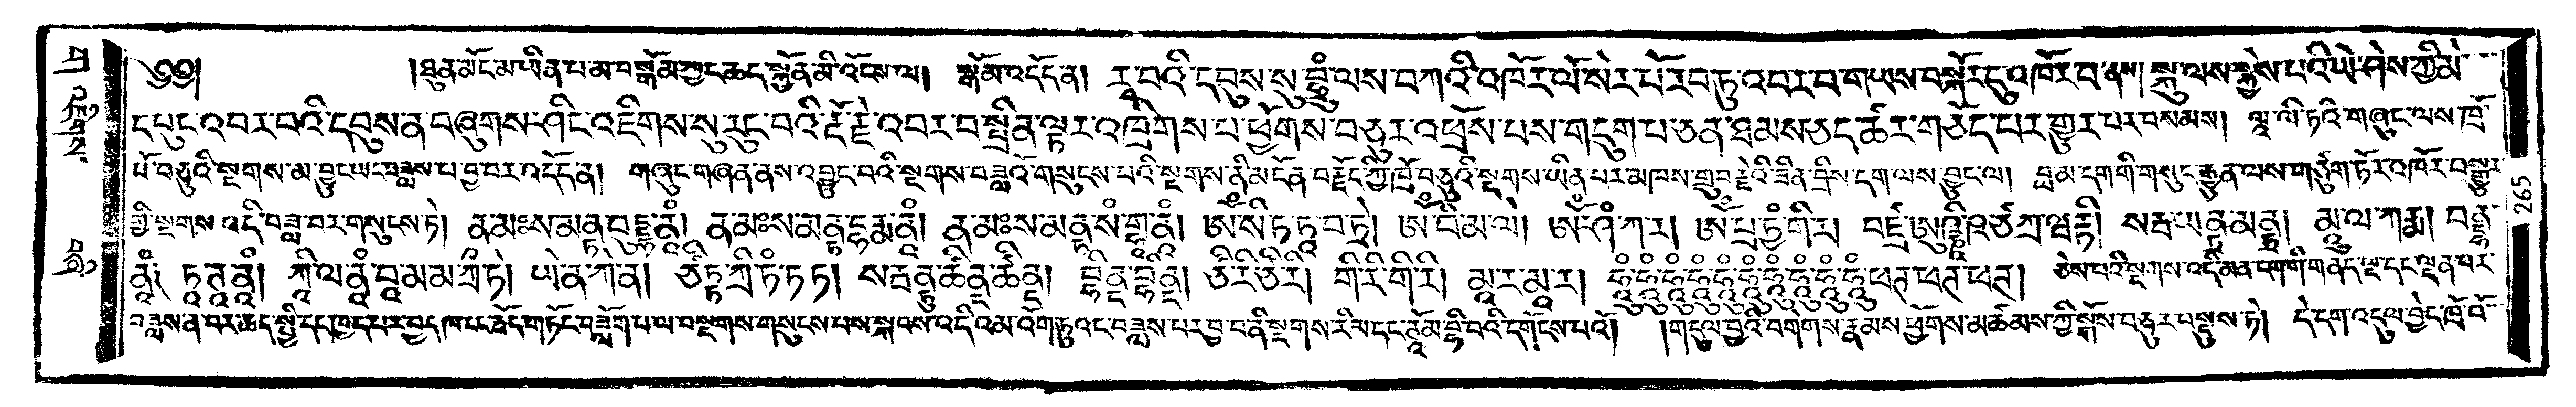༄༅། །ཐུན་མོང་མ་ཡིན་པ་མ་བསྒོམ་ཀྱང་ཆད་སྐྱོན་མི་འོངས་ལ། སྒོམ་འདོད་ན། རྭ་བའི་དབུས་སུ་བྷྲུཾ་ལས་བཀའི་འཁོར་ལོ་སེར་པོ་རབ་ཏུ་འབར་བ་གཡས་བསྐོར་དུ་འཁོར་བ་ནས། སྐུ་ལས་སྐྱེས་པའི་ཡེ་ཤེས་ཀྱི་མེ་
དཔུང་འབར་བའི་དབུས་ན་བཞུགས་ཤིང་འཇིགས་སུ་རུང་བའི་རྡོ་རྗེ་འབར་བ་སྤྲིན་ལྟར་འཁྲིགས་པ་ཕྱོགས་བཅུར་འཕྲོས་པས་གདུག་པ་ཅན་ཐམས་ཅད་ཚར་གཅོད་པར་གྱུར་པར་བསམས། ལཱ་ལི་ཏའི་གཞུང་ལས་ཁྲོ་
པོ་བཅུའི་སྔགས་མ་བྱུང་ཡང་བཟླས་པ་བྱ་བར་འདོད་ན། གཞུང་གཞན་ནས་འབྱུང་བའི་སྔགས་བཟླའོ་གསུངས་པའི་སྔགས་ནི་མངོན་བརྗོད་ཀྱི་ཁྲོ་བཅུའི་སྔགས་ཡིན་པར་མཁས་གྲུབ་རྗེའི་ཟིན་བྲིས་དག་ལས་བྱུང་ལ། བླ་མ་དག་གི་གསུང་རྒྱུན་ལས་གཙུག་ཏོར་འཁོར་བསྒྱུར་
ཀྱི་སྔགས་འདི་བཟླ་བར་གསུངས་ཏེ། ན་མཿས་མནྟ་བུདྡྷ་ནཱཾ། ན་མཿས་མནྟ་དྷརྨ་ནཱཾ། ན་མཿས་མནྟ་སཾ་གྷཱ་ནཱཾ། ཨོཾ་སི་ཏ་ཏཱ་བ་ཏྲེ། ཨོཾ་བེ་མ་ལེ། ཨོཾ་ཤཾ་ཀ་ར། ཨོཾ་པྲ་ཏྱཾ་གིར། བཛྲ་ཨུཥྞཱི་ཥ་ཙཀྲ་ཝརྟི། སརྦ་ཡནྟ་མཏྲ། མཱུ་ལ་ཀརྨ། བནྡྷ་
ནཱཾ༑ ཏཱ་ཊཱ་ནཱཾ། ཀཱི་ལ་ནཱཾ་བཱ་མ་མ་ཀྲྀ་ཏེ། ཡེ་ན་ཀེ་ན། ཙིཏྟ་ཀྲི་ཏཾ་ཏ་ཏ། སརྦནྟུ་ཚིནྡ་ཚིནྡ། བྷིནྡ་བྷིནྡ། ཙི་རི་ཙི་རི། གི་རི་གི་རི། མཱ་ར་མཱ་ར། ཧཱུཾ་ཧཱུཾ་ཧཱུཾ་ཧཱུཾ་ཧཱུཾ་ཧཱུཾ་ཧཱུཾ་ཧཱུཾ་ཧཱུཾ་ཧཱུཾ་ཕཊ་ཕཊ་ཕཊ། ཅེས་པའི་སྔགས་འདི་མན་ངག་གི་གནད་ལྔ་དང་ལྡན་པར་
བཟླས་ན་བར་ཆད་སྤྱི་དང་ཁྱད་པར་བྱད་ཁ་པར་?་གཏོང་བཟློག་པ་ལ་བསྔགས་གསུངས་པས་སྐབས་འདིའམ་འོག་ཏུའང་བཟླས་པར་བྱ་བ་ནི་སྔགས་རིམ་དང་ཊO་མ་བྷི་བའི་དགོངས་པའོ། །གདུལ་བྱའི་བགེགས་རྣམས་ཕྱོགས་མཚམས་ཀྱི་སྒོས་བཅུར་བསྡུས་ཏེ། དེ་དག་འདུལ་བྱེད་ཁྲོ་བོ་